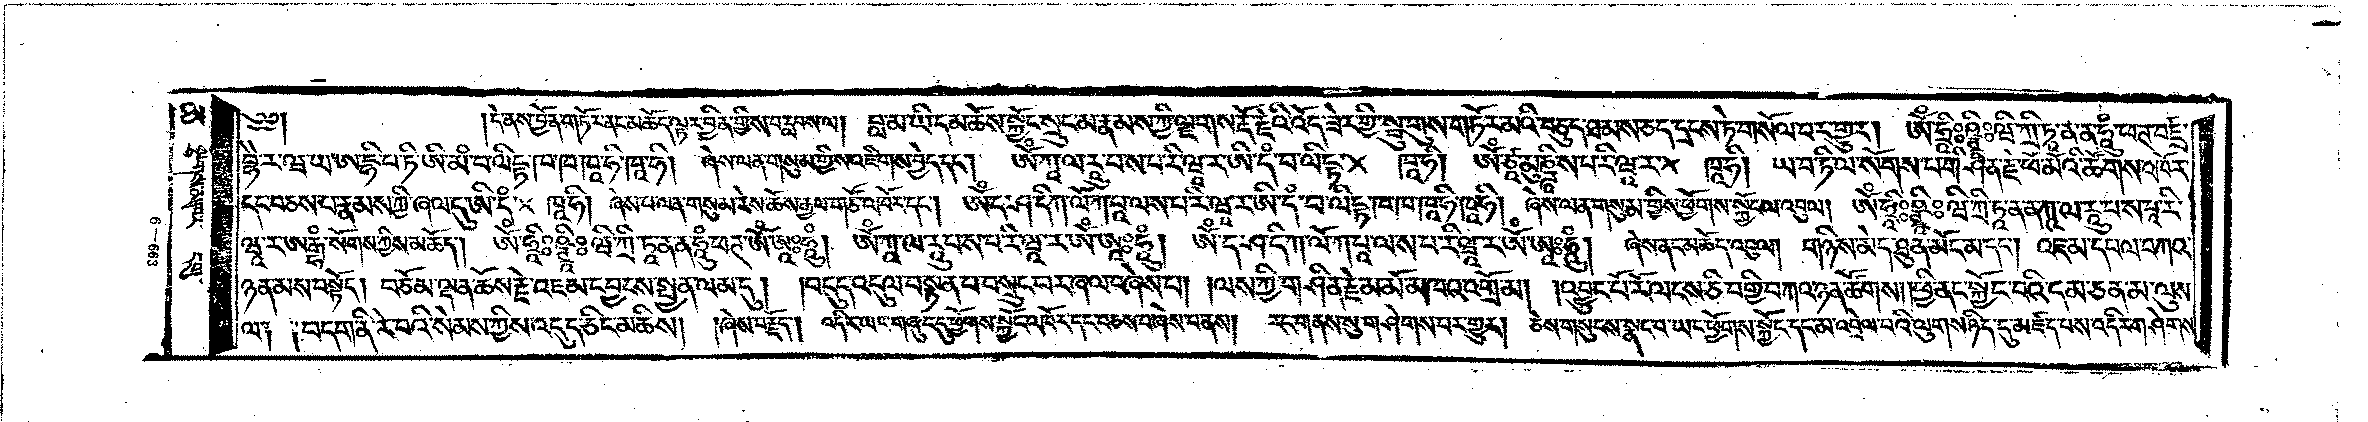༄༅། །དེ་ནས་བྱོན་གཏོར་ནང་མཆོད་ལྟར་བྱིན་གྱིས་བརླབས་ལ། བླ་མ་ཡི་དམ་ཆོས་སྐྱོང་སྲུང་མ་རྣམས་ཀྱི་ལྗགས་རྡོ་རྗེའི་འོད་ཟེར་གྱིས་སྦུ་གུས་གཏོར་མའི་བཅུད་ཐམས་ཅད་དྲངས་ཏེ་གསོལ་བར་གྱུར། ཨོཾ་ཧྲཱིཿཥྚྲཱིཿཝི་ཀྲི་ཊཱ་ན་ན་ཧཱུཾ་ཕཊ་བཛྲ་
བྷཻ་ར་ཝ་ཡ་ཨདྷི་པ་ཏི་ཨི་མཾ་པ་ལིངྟ་ཁ་ཁ་ཁཱ་ཧི་ཁཱ་ཧི། ཞེས་ལན་གསུམ་གྱི་འཇིགས་བྱེད་དང་།  ཨོཾ་ཀཱ་ལ་རཱུ་པ་ས་བ་རི་ཝཱ་ར་ཨི་དཾ་བ་ལིངྟ྾་ཁཱ་ཧི། ཨོཾ་ཙཱ་མུཎྜིས་པ་རི་ཝཱར྾་ཁཱ་ཧི། ཡ་བ་ཏི་ལ་སོགས་པ་གཤིན་རྗེ་ཕོ་མོའི་ཚོགས་འཁོར་
དང་བཅས་པ་རྣམས་ཀྱི་ཞལ་དུ་ཨི་དཾ྾་ཁཱ་ཧི། ཞེས་པ་ལན་གསུམ་རེས་ཆོས་རྒྱལ་གཙོ་འཁོར་དང་།  ཨོཾ་ད་ཤ་དི་ཀ་ལོ་ཀ་པཱ་ལས་པ་རི་ཝཱ་ར་རི་དཾ་བ་ལིངྟ་ཁ་ཁ་ཁཱ་ཧི་ཁཱ་ཧི་ཁཱ་ཧི། ཞེས་ལན་གསུམ་གྱིས་ཕྱོགས་སྐྱོང་ལ་འབུལ།  ཨོཾ་ཧྲཱིཿཥྚཱིཿཝི་ཀྲི་ཏཱ་ན་ན་ཀཱ་ལ་རཱུ་པས་པཱ་རི་
ཝཱ་ར་ཨརྒྷཾ་སོགས་ཀྱིས་མཆོད། ཨོཾ་ཧྲཱིཿཥྚཱིཿཝི་ཀྲི་ཏཱ་ན་ན་ཧཱུཾ་ཕཊ་ཨོཾ་ཨཱཿཧཱུཾ། ཨོཾ་ཀཱ་ལ་རཱུ་བས་པ་རི་ཝཱ་ར་ཨོཾ་ཨཱཿཧཱུཾ། ཨོཾ་ད་ཤ་དི་ཀ་ལོ་ཀ་པཱ་ལ་ས་པ་རི་ཝཱ་ར་ཨོཾ་ཨཱཿཧཱུཾ། ཞེས་ནང་མཆོད་འབུལ།  གཉིས་མེད་ཐུན་མོང་མ་དག། འཇམ་དཔལ་བཀའ་
ཉན་མས་བསྟོད། བཅོམ་ལྡན་ཆོས་རྗེ་འཇམ་དབྱངས་སྤྱན་ལམ་དུ། །བདུད་འདུལ་བསྟན་པ་བསྲུང་པར་ཞལ་བཞེས་པ། །ལས་ཀྱི་གཤིན་རྗེ་མ་མོ་མཁའ་འགྲོ་མ། །འབྱུང་པོ་རོ་ལངས་ཅི་བ་གྱི་བཀའ་ཉན་ཚོགས། ཕྱི་ནང་སྐྱོང་པའི་དམ་ཅན་མ་ལུས་
ལ༑ ༑བདག་ནི་རེ་བའི་སེམས་ཀྱིས་འདུད་ཅིང་མཆིས། །ཞེས་བརྗོད། འདིར་ཡང་གཞུང་དུ་ཕྱོགས་སྐྱོང་འཁོར་དང་བཅས་བ་ཞེས་པ་ནས། རང་གནས་སུ་གཤེགས་པར་གྱུར། ཅེས་གསུངས་སྣང་བ་ཡང་ཕྱོགས་སྐྱོང་དང་མ་འབྲེལ་བའི་ལུགས་ཉིད་དུ་མཛད་པས་འདིར་གཤེགས་